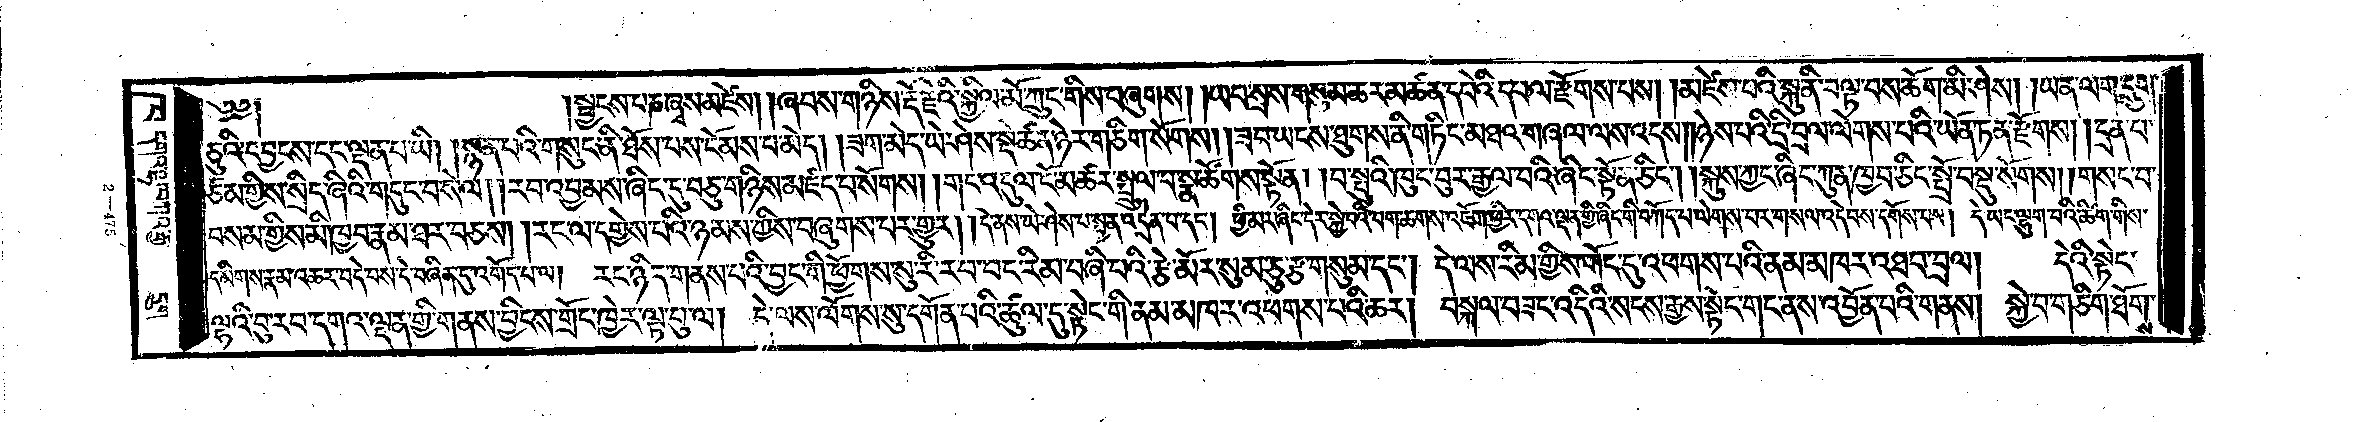༄༅། །སྦྱངས་པཎ་ཞྭས་མཛེས། །ཞབས་གཉིས་རྡོ་རྗེའི་སྐྱིལ་མོ་ཀྲུང་གིས་བཞུགས། །ཡབ་སྲས་གསུམ་ཆར་མཚན་དཔེའི་དཔལ་རྫོགས་པས། །མཛེས་པའི་སྐུ་ནི་བལྟ་བས་ཆོག་མི་ཤེས། །ཡན་ལག་དྲུག་
ཅུའི་དབྱངས་དང་ལྡན་པ་ཡི། །སྙན་པའི་གསུང་ནི་ཐོས་པས་ངོམས་པ་མེད། །ཟག་མེད་ཡེ་ཤེས་སྡེ་ཚན་ཉེར་གཅིག་སོགས། །ཟབ་ཡངས་ཐུགས་ནི་གཏིང་མཐའ་གཞལ་ལས་འདས། །ཉེས་པའི་དྲི་བྲལ་ལེགས་པའི་ཡོན་ཏན་རྫོགས། །དྲན་པའི་
ཙམ་གྱིས་སྲིད་ཞིའི་གདུང་བ་སེལ། །རབ་འབྱམས་ཞིང་དུ་བཅུ་གཉིས་མཛད་པ་སོགས། །གང་འདུལ་ངོ་མཚར་སྤྲུལ་བ་སྣ་ཚོགས་སྟོན། །བ་སྤུའི་ཁུང་བུར་རྒྱལ་བའི་ཞིང་སྟོན་ཅིང་། །སྐུས་ཀྱང་ཞིང་ཀུན་ཁྱབ་ཅིང་སྤྲོ་བསྡུ་སོགས། །གསང་བ་
བསམ་གྱིས་མི་ཁྱབ་རྣམ་ཐར་བཅས། །རང་ལ་དགྱེས་པའི་ཉམས་ཀྱིས་བཞུགས་པར་གྱུར། །དེ་ནས་ཡེ་ཤེས་པ་སྤྱན་འདྲེན་པ་དང་། ཕྱི་མར་ཞིང་དེར་སྐྱེ་བའི་བག་ཆགས་འཇོག་ཕྱིར་དགའ་ལྡན་གྱི་ཞིང་གི་བཀོད་པ་ལེགས་པར་གསལ་འདེབས་དགོས་པས། དེ་ཡང་ལྷུག་པའི་ཚིག་གིས་
དམིགས་རྣམ་འཆར་བདེ་བས་དེ་བཞིན་དུ་འགོད་པ་ལ། རང་ཉིད་གནས་པའི་བྱང་གི་ཕྱོགས་སུ་རི་རབ་བང་རིམ་བཞི་བའི་རྩེ་མོར་སུམ་ཅུ་རྩ་གསུམ་དང་། དེ་ལས་རིམ་གྱིས་གོང་དུ་འཕགས་པའི་ནམ་མཁར་འཐབ་བྲལ། དེའི་སྟེང་
ལྷའི་བུ་རབ་དགའ་ལྡན་གྱི་གནས་བྱིངས་གྲོང་ཁྱེར་ལྟ་བུ་ལ། དེ་ལས་ལོགས་སུ་དགོན་པའི་ཚུལ་དུ་སྟེང་གི་ནམ་མཁར་འཕགས་པའི་ཆར། བསྐལ་བཟང་འདིའི་སངས་རྒྱས་སྟེང་གང་ནས་འབྱོན་པའི་གནས། སྐྱེ་བ་གཅིག་ཐོགས་